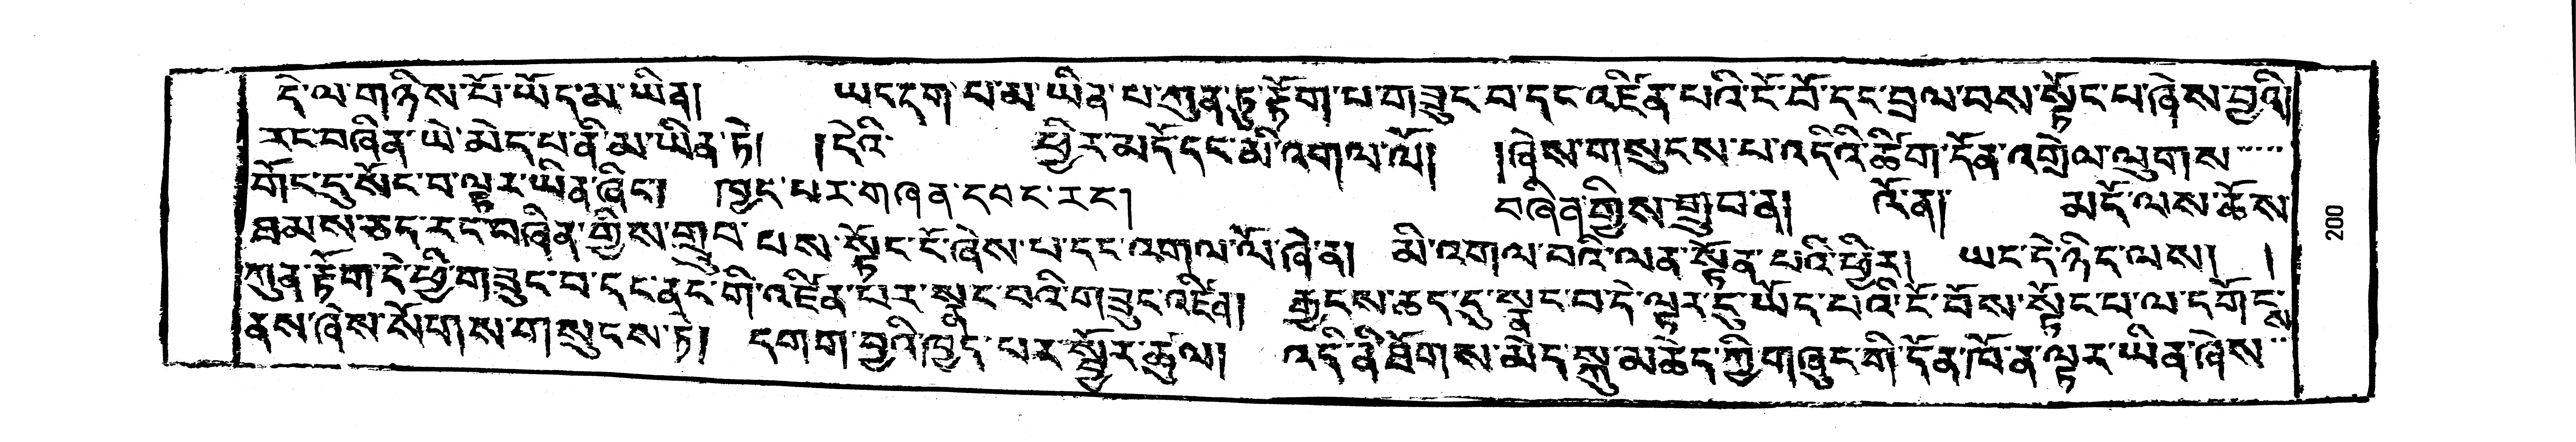དེ་ལ་གཉིས་པོ་ཡོད་མ་ཡིན། ཡང་དག་པ་མ་ཡིན་པ་ཀུན་ཏུ་རྟོག་པ་གཟུང་བ་དང་འཛིན་པའི་ངོ་བོ་དང་བྲལ་བས་སྟོང་པ་ཞེས་བྱའི།
རང་བཞིན་ཡེ་མེད་པ་ནི་མ་ཡིན་ཏེ། །དེའི་ཕྱིར་མདོ་དང་མི་འགལ་ལོ། །ཞེས་གསུངས་པ་འདིའི་ཚིག་དོན་འགྲེལ་ལུགས་
གོང་དུ་སོང་བ་ལྟར་ཡིན་ཞིང་། ཁྱད་པར་གཞན་དབང་རང་། བཞིན་གྱིས་གྲུབ་ན། འོ་ན། མདོ་ལས་ཆོས་
ཐམས་ཅད་རང་བཞིན་གྱིས་གྲུབ་པས་སྟོང་ངོ་ཞེས་པ་དང་འགལ་ལོ་ཞེ་ན། མི་འགལ་བའི་ལན་སྟོན་པའི་ཕྱིར། ཡང་དེ་ཉིད་ལས། །
ཀུན་རྟོག་དེ་ཕྱི་གཟུང་བ་དང་ནང་གི་འཛིན་པར་སྣང་བའི་གཟུང་འཛིན། རྒྱངས་ཆད་དུ་སྣང་བ་དེ་ལྟར་དུ་ཡོད་པའི་ངོ་བོས་སྟོང་པ་ལ་དགོངས་
ནས་ཞེས་སོགས་གསུངས་ཏེ། དགག་བྱའི་ཁྱད་པར་སྦྱོར་ཚུལ། འདི་ནི་ཐོགས་མེད་སྐུ་མཆེད་ཀྱི་གཞུང་གི་དོན་ཁོ་ན་ལྟར་ཡིན་ཞེས་